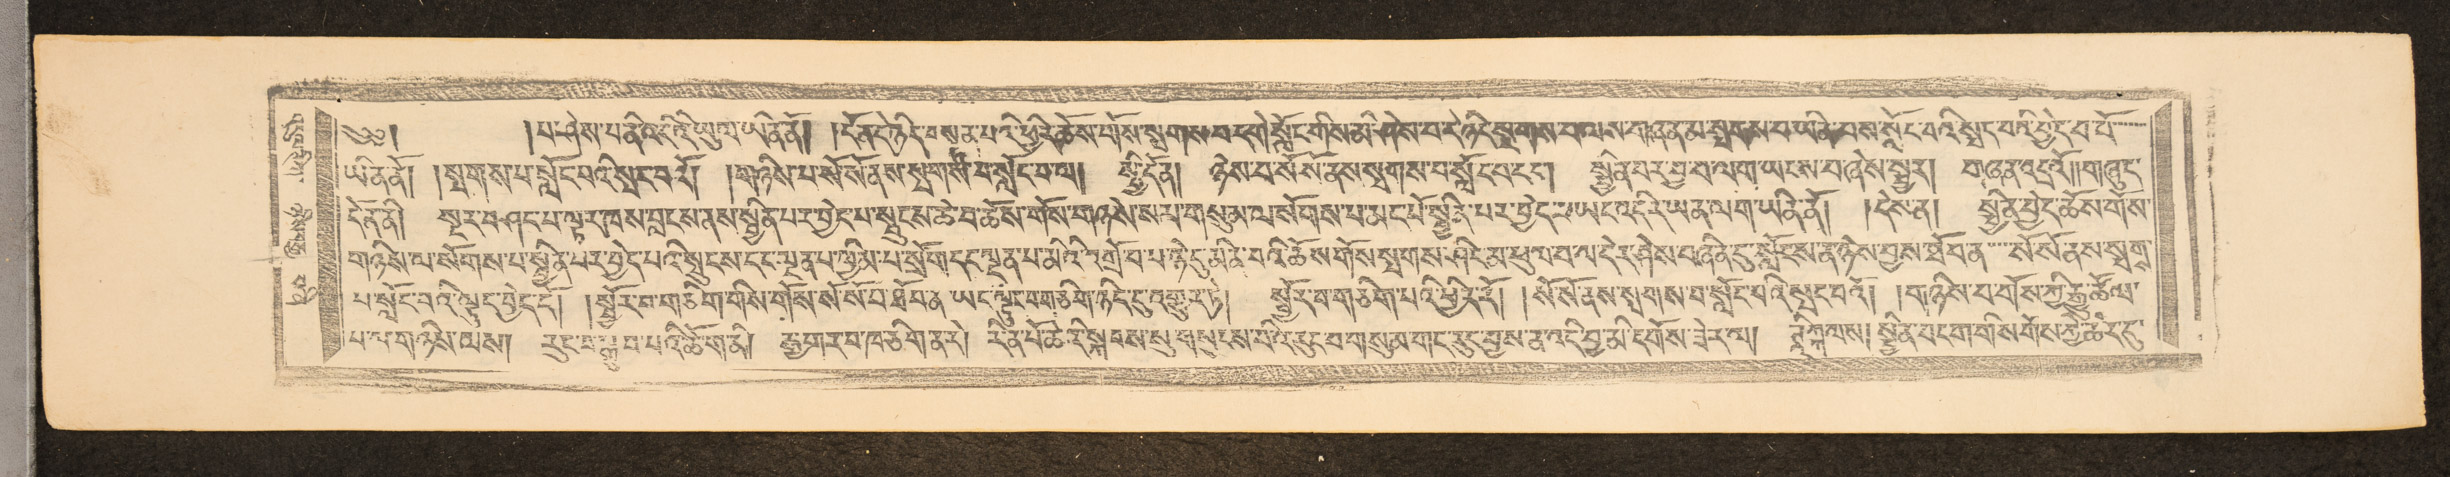༄༅། །པ་ཤེས་པ་ནི་འདོའི་ཡུལ་ཡིན་ནོ། །དོན་དེ་ཉིད་བསྟན་པའི་ཕྱིར་ཆོས་གོས་སྤགས་པ་དགེ་སློང་གིས་མི་ཤེས་པ་དེ་ཉིད་སྤགས་པ་ལས་གཞན་མ་སྤགས་བ་ཡིན་པས་སློང་བའི་སྤང་བའི་བྱེད་པ་པོ་
ཡིན་ནོ། །སྤགས་པ་སློང་བའི་སྤང་བའོ། །གཉིས་པ་སོ་སོ་ནས་སྤགས་པ་སློང་བ་ལ། སྤྱི་དོན། ཉེས་པ་སོ་སོ་ནས་སྤགས་པ་སློང་བ་དང་། སྦྱིན་བར་བྱ་བ་ལག་ཡངས་པ་ཞེས་སྦྱར། གཞན་འདྲའོ། །གཞུང་
དོན་ནི། སྔར་བཤད་པ་ལྟར་ཁས་བླངས་ནས་སྦྱིན་པར་བྱེད་པ་སྦུངས་ཆེ་བ་ཆོས་གོས་གཉིས་སམ་གསུམ་ལ་སོགས་བ་མང་པོ་སྦྱིན་བར་བྱེད་པ་ཡང་འདིར་ཡན་ལག་ཡིན་ནོ། །དེས་ན། སྦྱིན་བྱེད་ཆོས་གོས་
གཉིས་ལ་སོགས་པ་སྦྱིན་པར་བྱེད་པའི་སྦུངས་དང་ལྡན་པ་ཁྱིམ་པ་སྲོག་དང་ལྡན་བ་མིའི་འགྲོ་བ་བ་ཉེ་དུ་མིན་བའི་ཆོས་གོས་སྤགས་ཤིང་མ་ཕུལ་བ་ལ་དེར་ཤེས་བཞིན་དུ་སློངས་ན་ཉེས་བྱས་ཐོབ་ན་སོ་སོ་ནས་སྤགས་
པ་སློང་བའི་ལྟུང་བྱེད་དོ། །སྦྱོར་བ་གཅིག་གིས་གོས་སོ་སོ་བ་ཐོབ་ན་ཡང་ལྟུང་བ་གཅིག་ཉིད་དུ་འགྱུར་ཏེ། སྦྱོར་བ་གཅིག་པའི་ཕྱིར་རོ། །སོ་སོ་ནས་སྤགས་པ་སློང་པའི་སྤང་བའོ། །གཉིས་པ་གོས་ཀྱི་རྒྱུ་ཚོལ་
བ་ལ་གཉིས་ལས། རུང་བ་སྒྲུབ་པའི་ཆོ་ག་ནི། རྒྱ་གར་བ་ཁ་ཅིག་ན་རེ། རིན་པོ་ཆེའི་སྐབས་སུ་གསུངས་པའི་རུང་བ་གསུམ་གང་རུང་བྱས་ན་འདི་བྱ་མི་དགོས་ཟེར་ལ། ཊཱིཀྐ་ལས། སྦྱིན་བདག་གིས་གོས་ཀྱི་ཆེང་དུ་